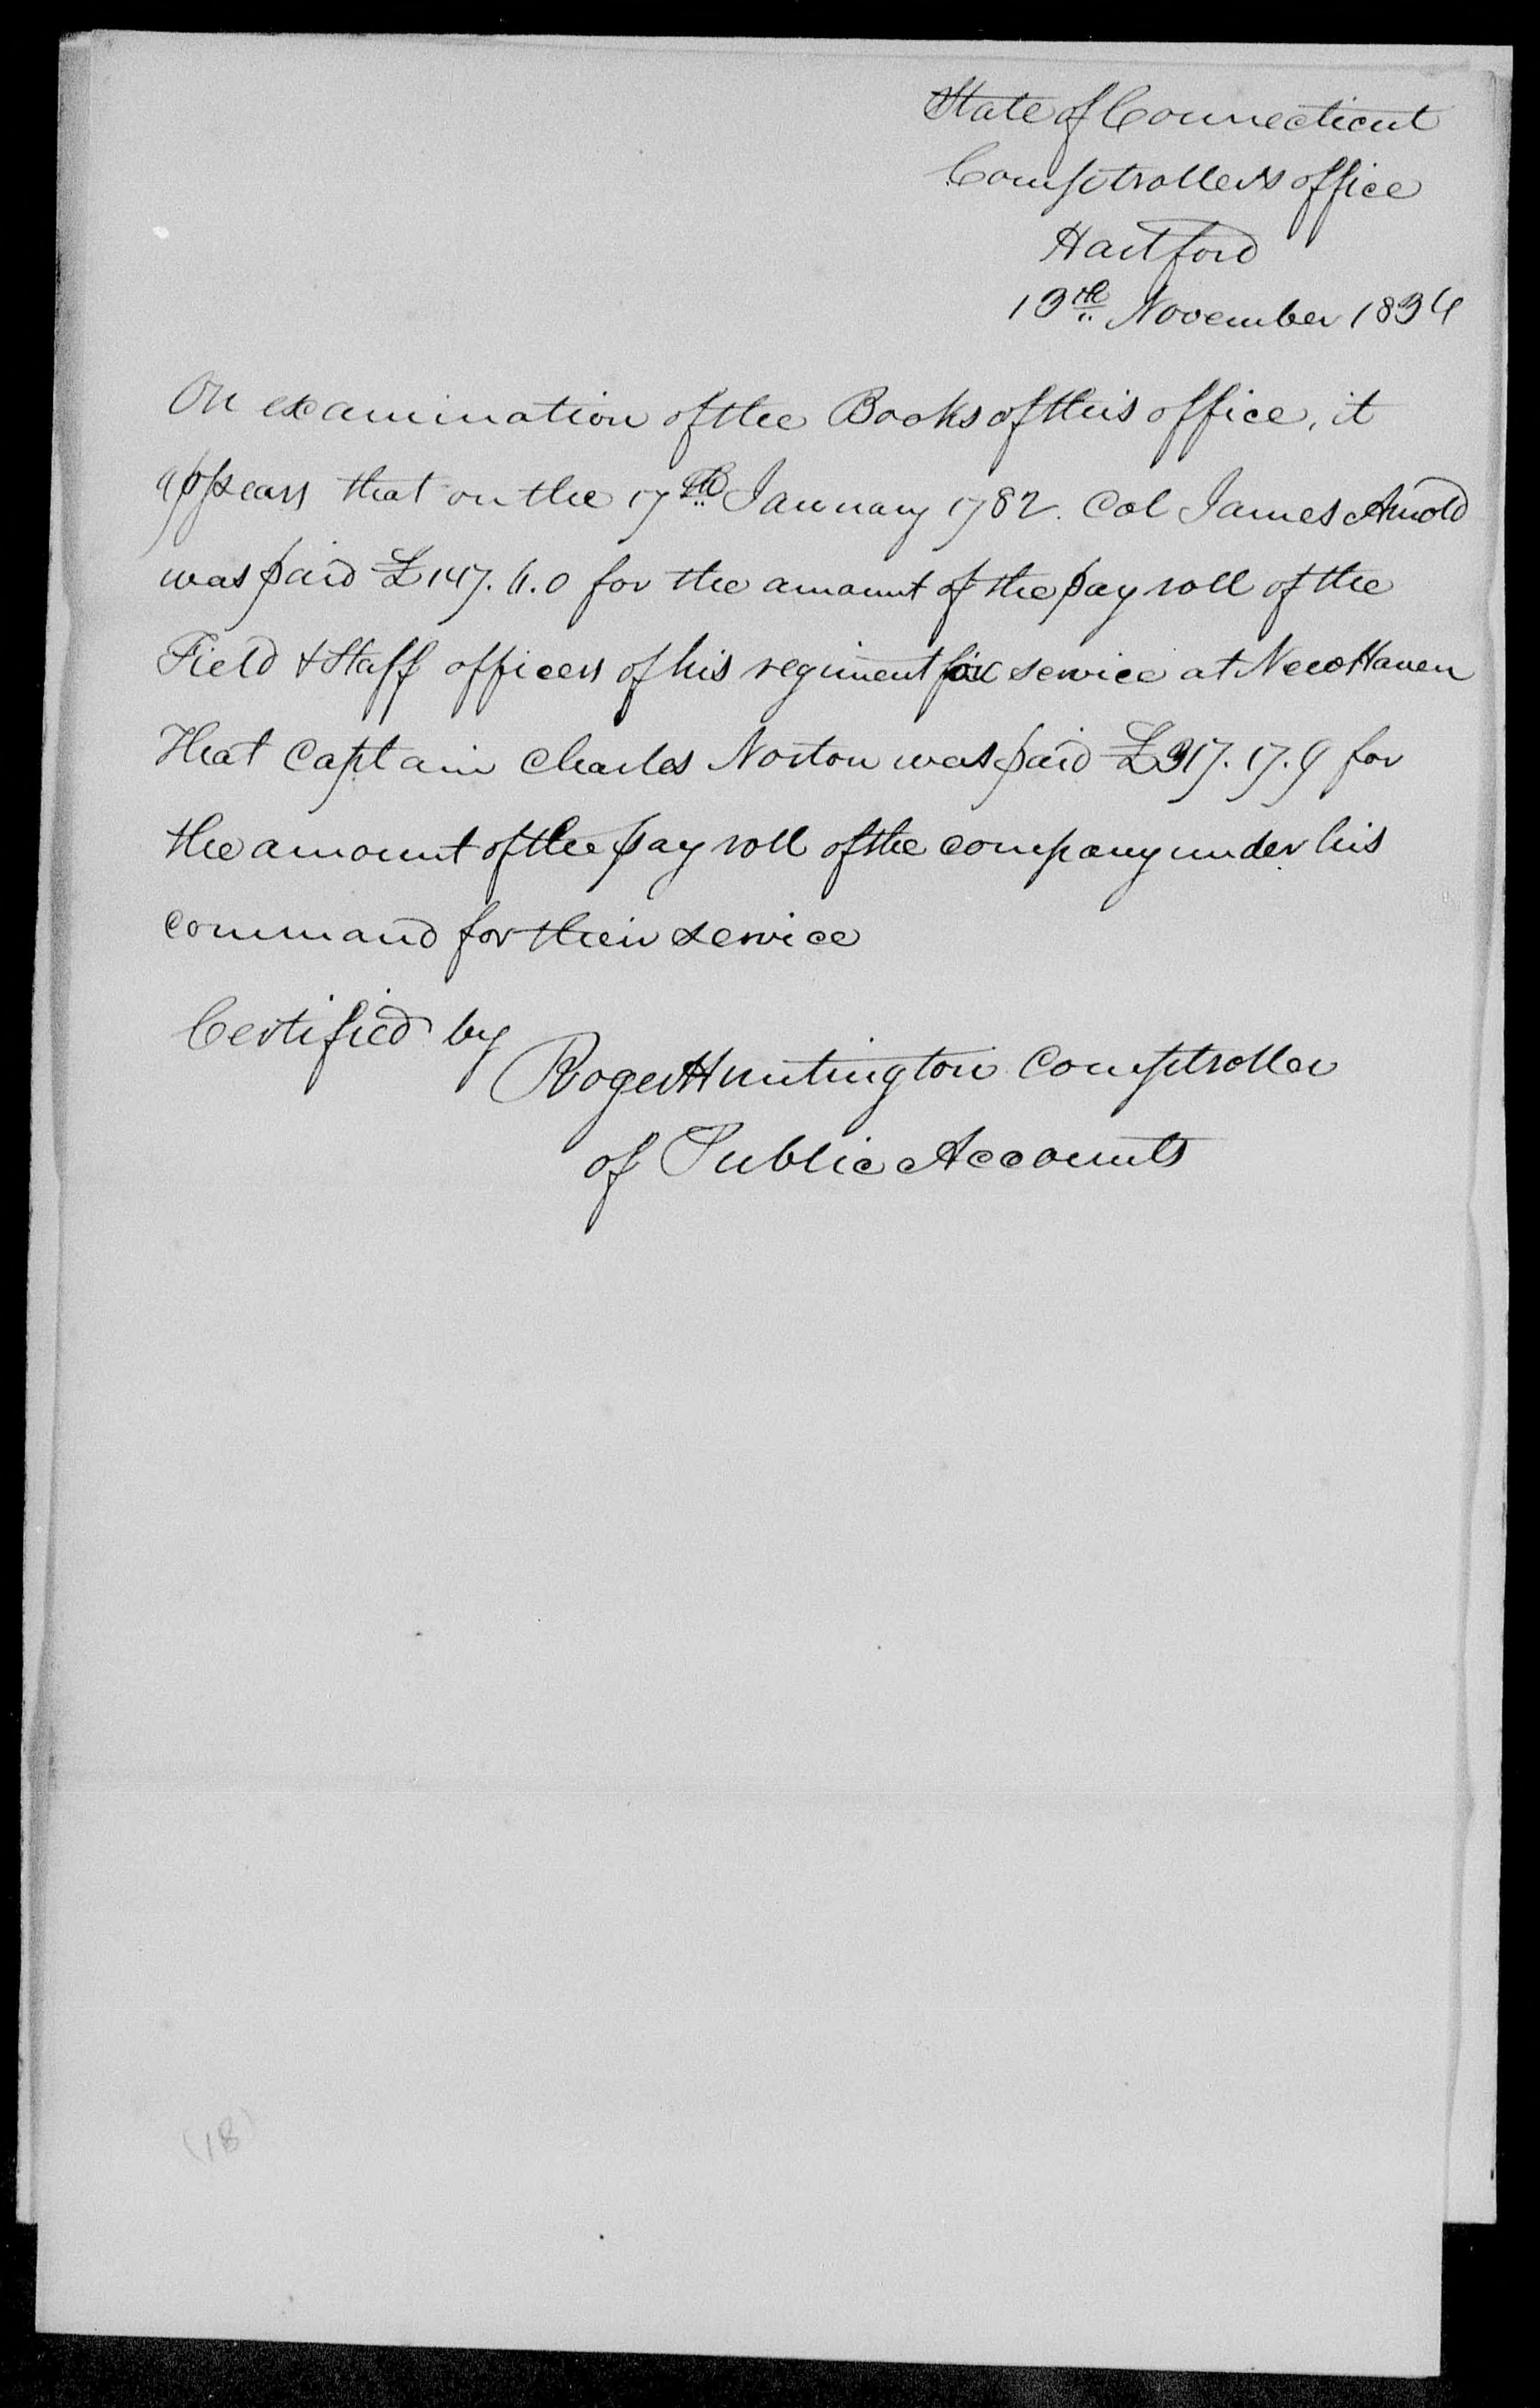State of Connecticut
Comptrollers office
Hartford
13th November 1836

On examination of the  Books of this office, it appears that on the 17th January 1782, Col. James Arnold was paid £147.60 for the amount of the payroll of the field & staff officers of his regiment for service at New Haven. Heat Captain Charles Norton was paid £317.17.9 for the amount of the payroll of the company under his command for their service.

Certified by 
Roger Huntington Comptroller
of Public Accounts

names: James Arnold, Charles Norton, Roger Huntington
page: 41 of 76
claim: widow's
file: W. 5,250, Timothy Coe, Conn.